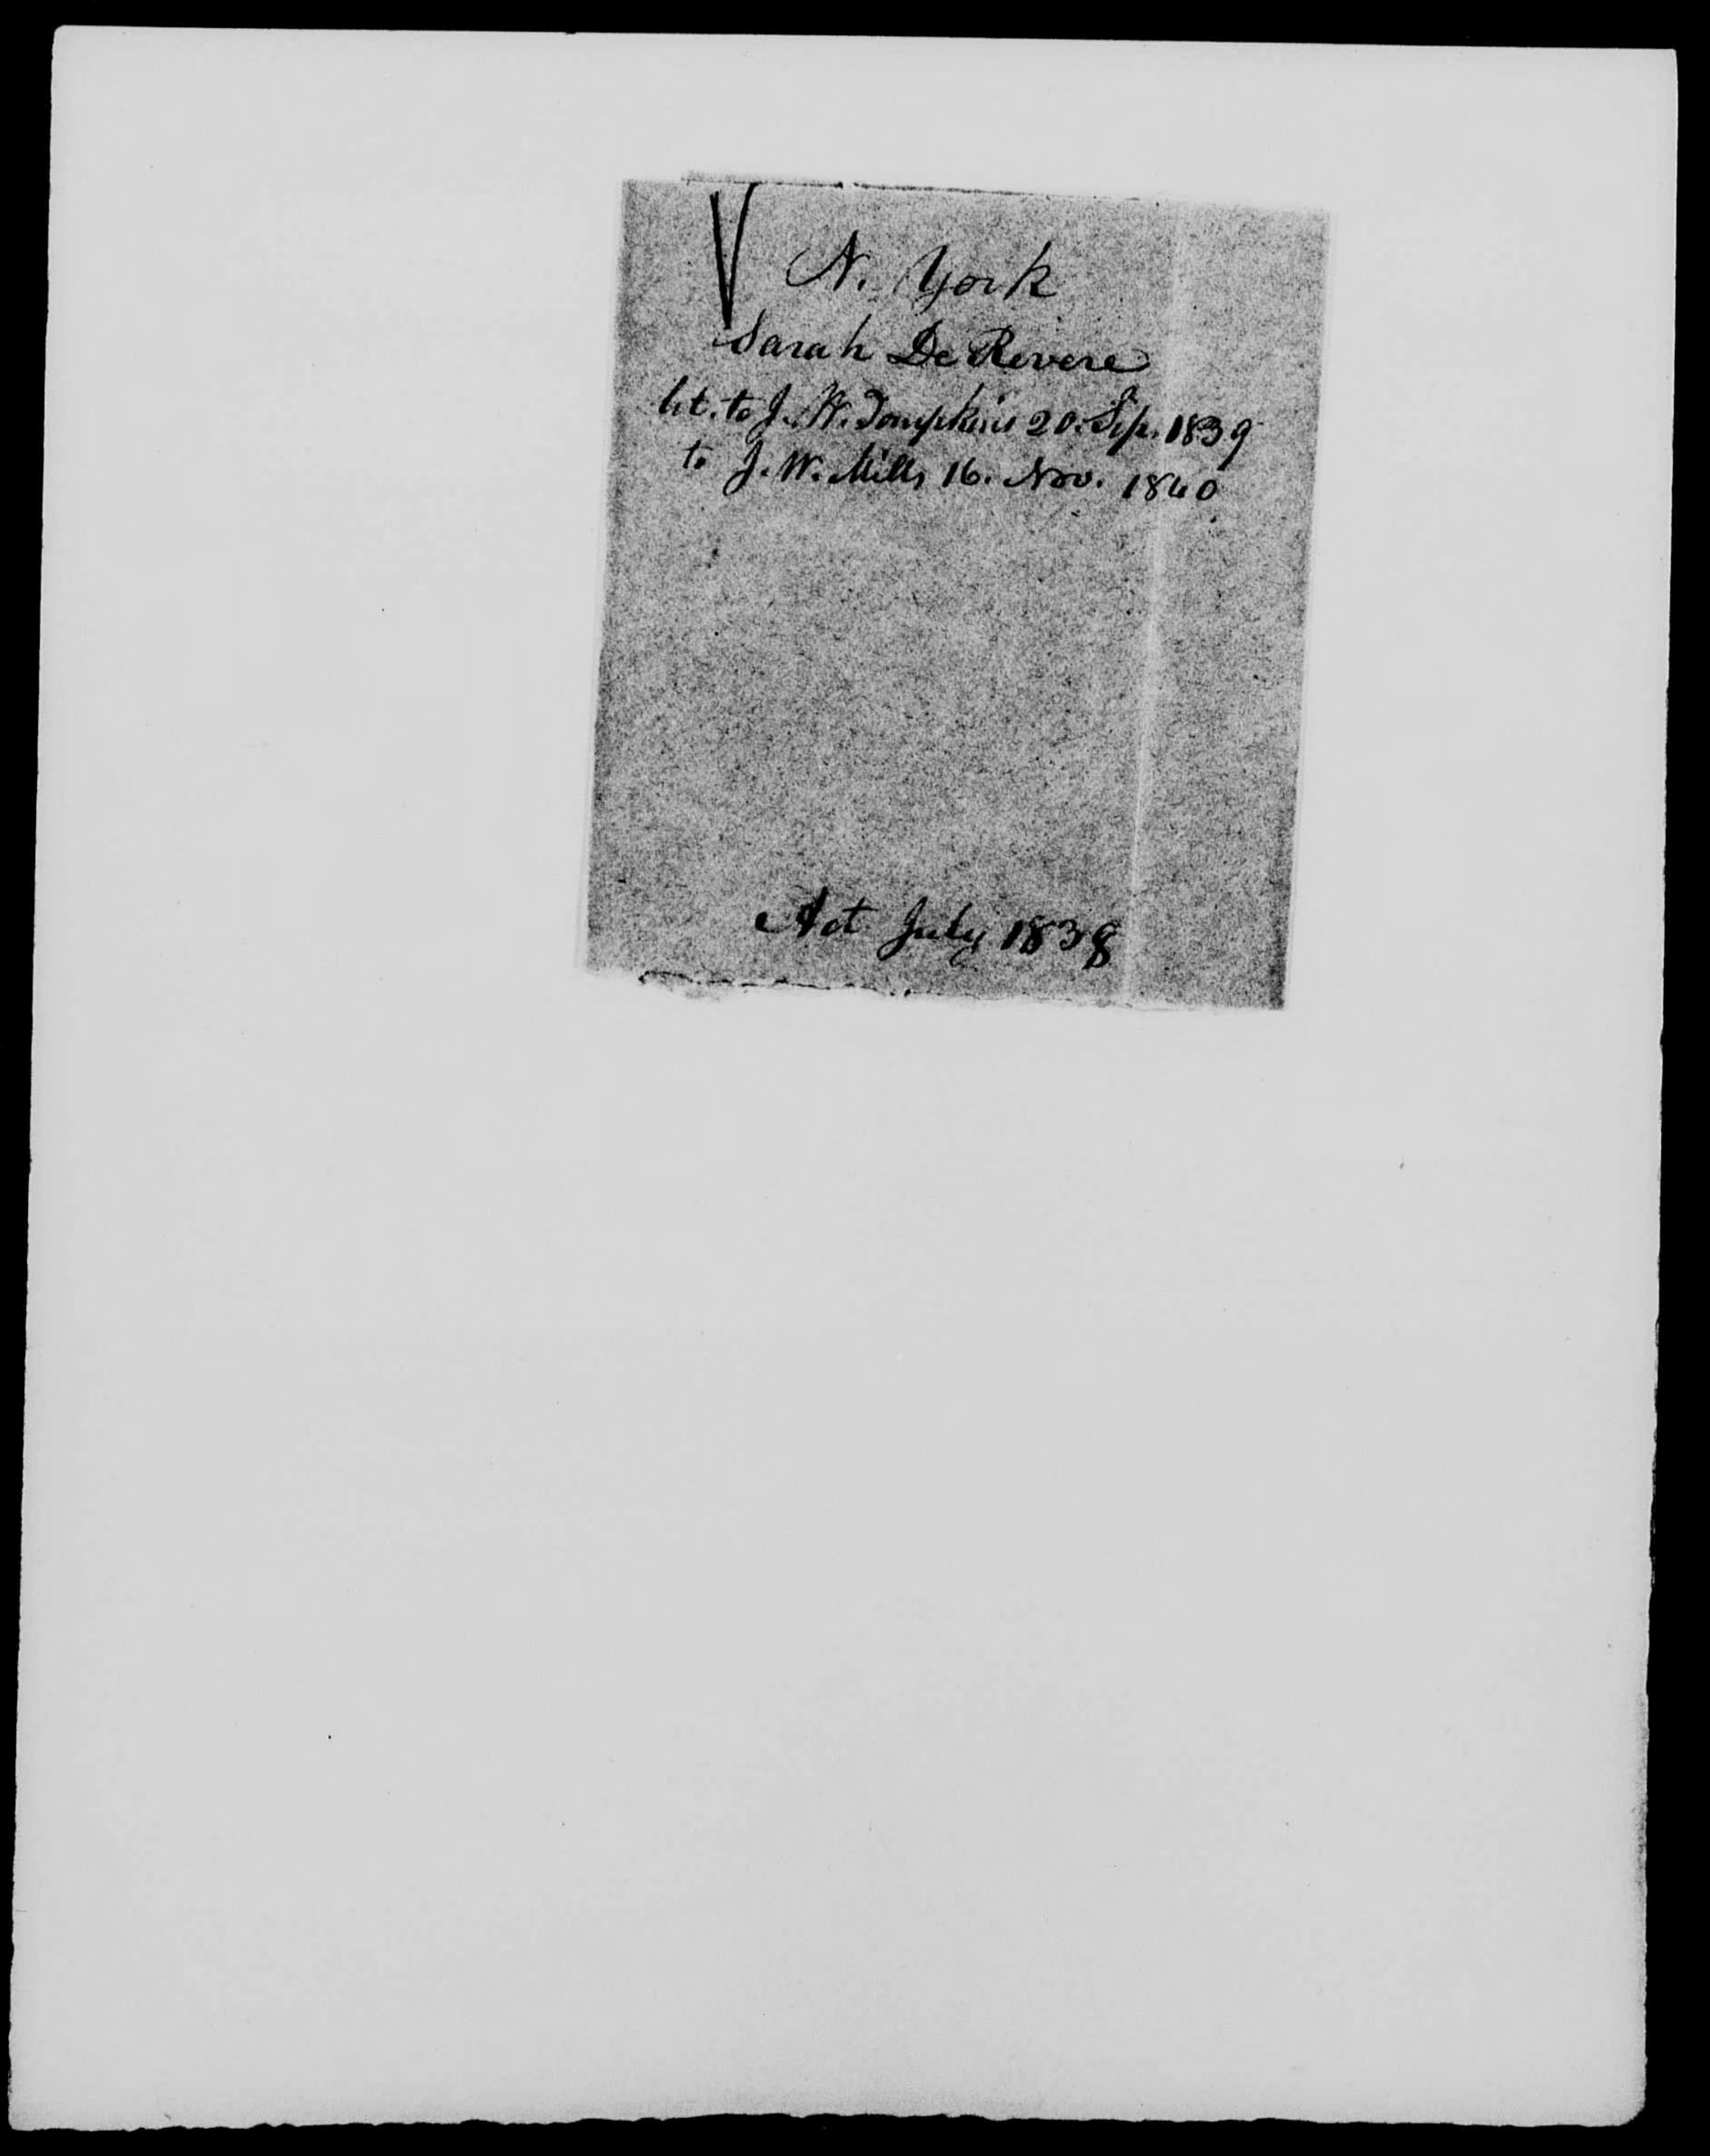N. York
Sarah DeRevere
let to J. W. Tompkins 20 Sep 1839
J. W. Mills 16. Nov. 1840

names: Sarah De Revere, J W Mills, G W Tompkins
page: 25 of 40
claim: widow's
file: W. 24057, Cornelius De Revere, New York